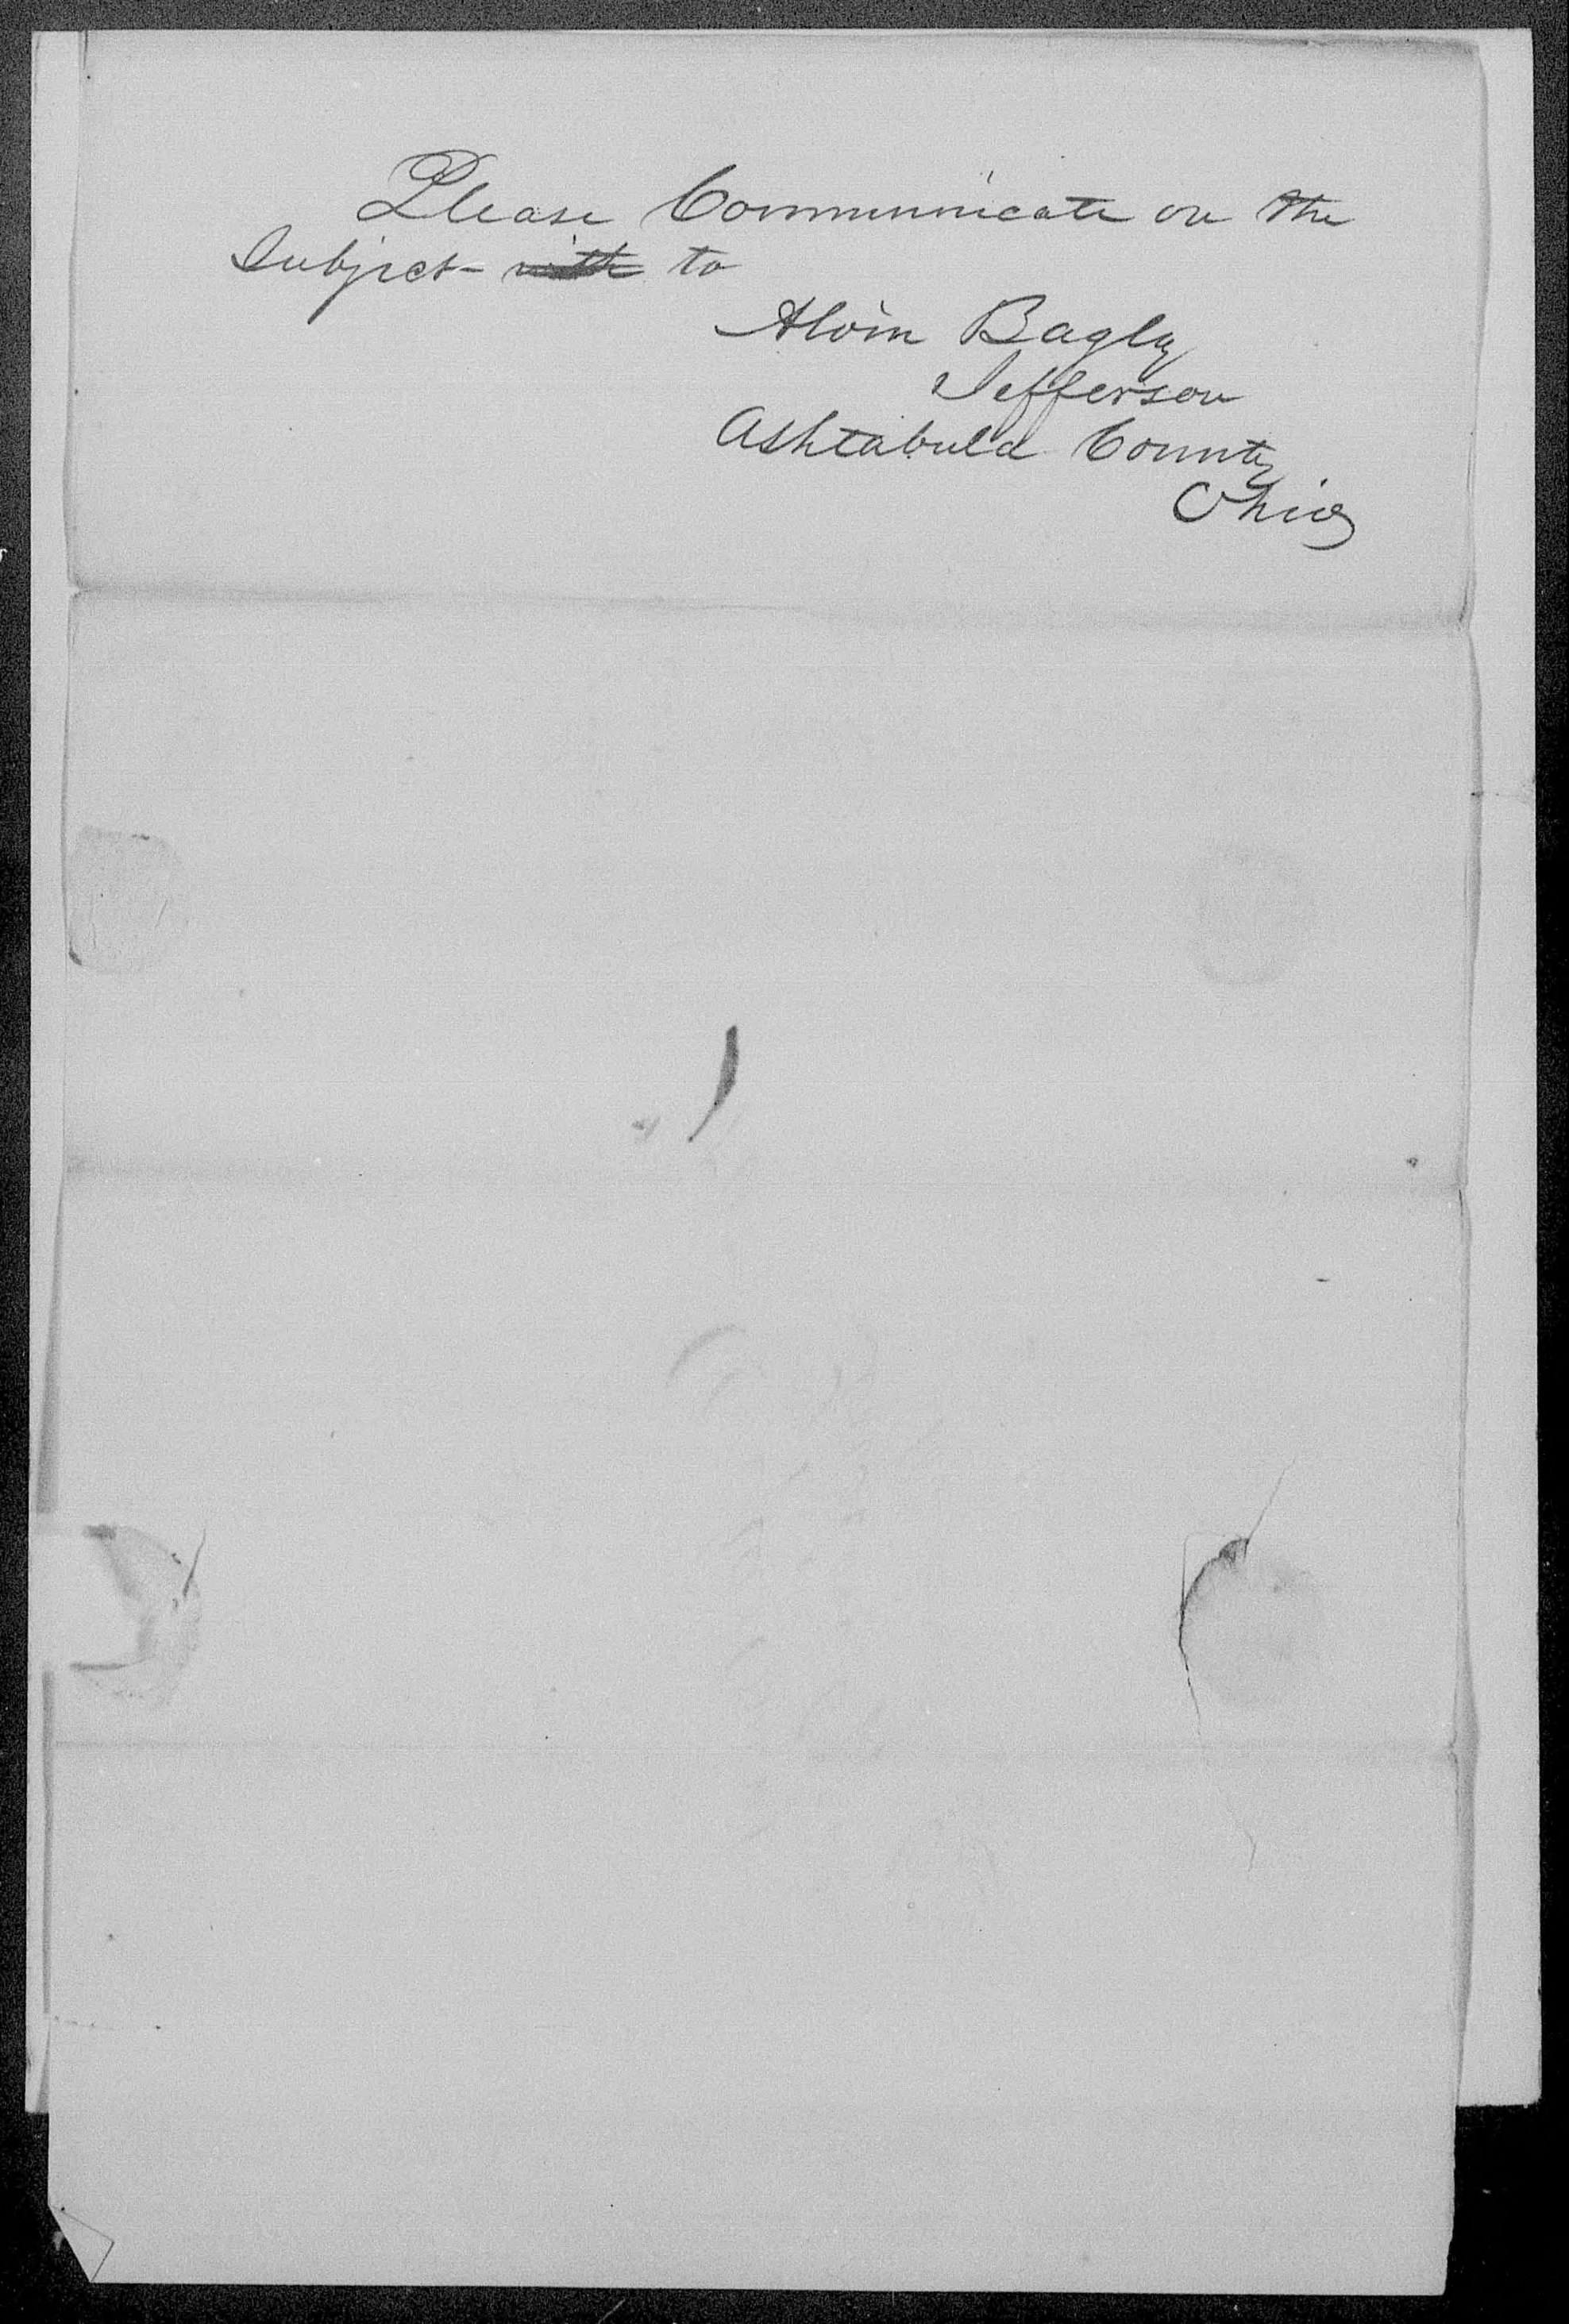Please Communicate on the subject to
Alvin Bagley Jefferson Ashtabula County
Ohio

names: Alvin Bagley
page: 28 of 35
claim: rejected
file: R. 501, Phineas Barker, Conn. Privateer